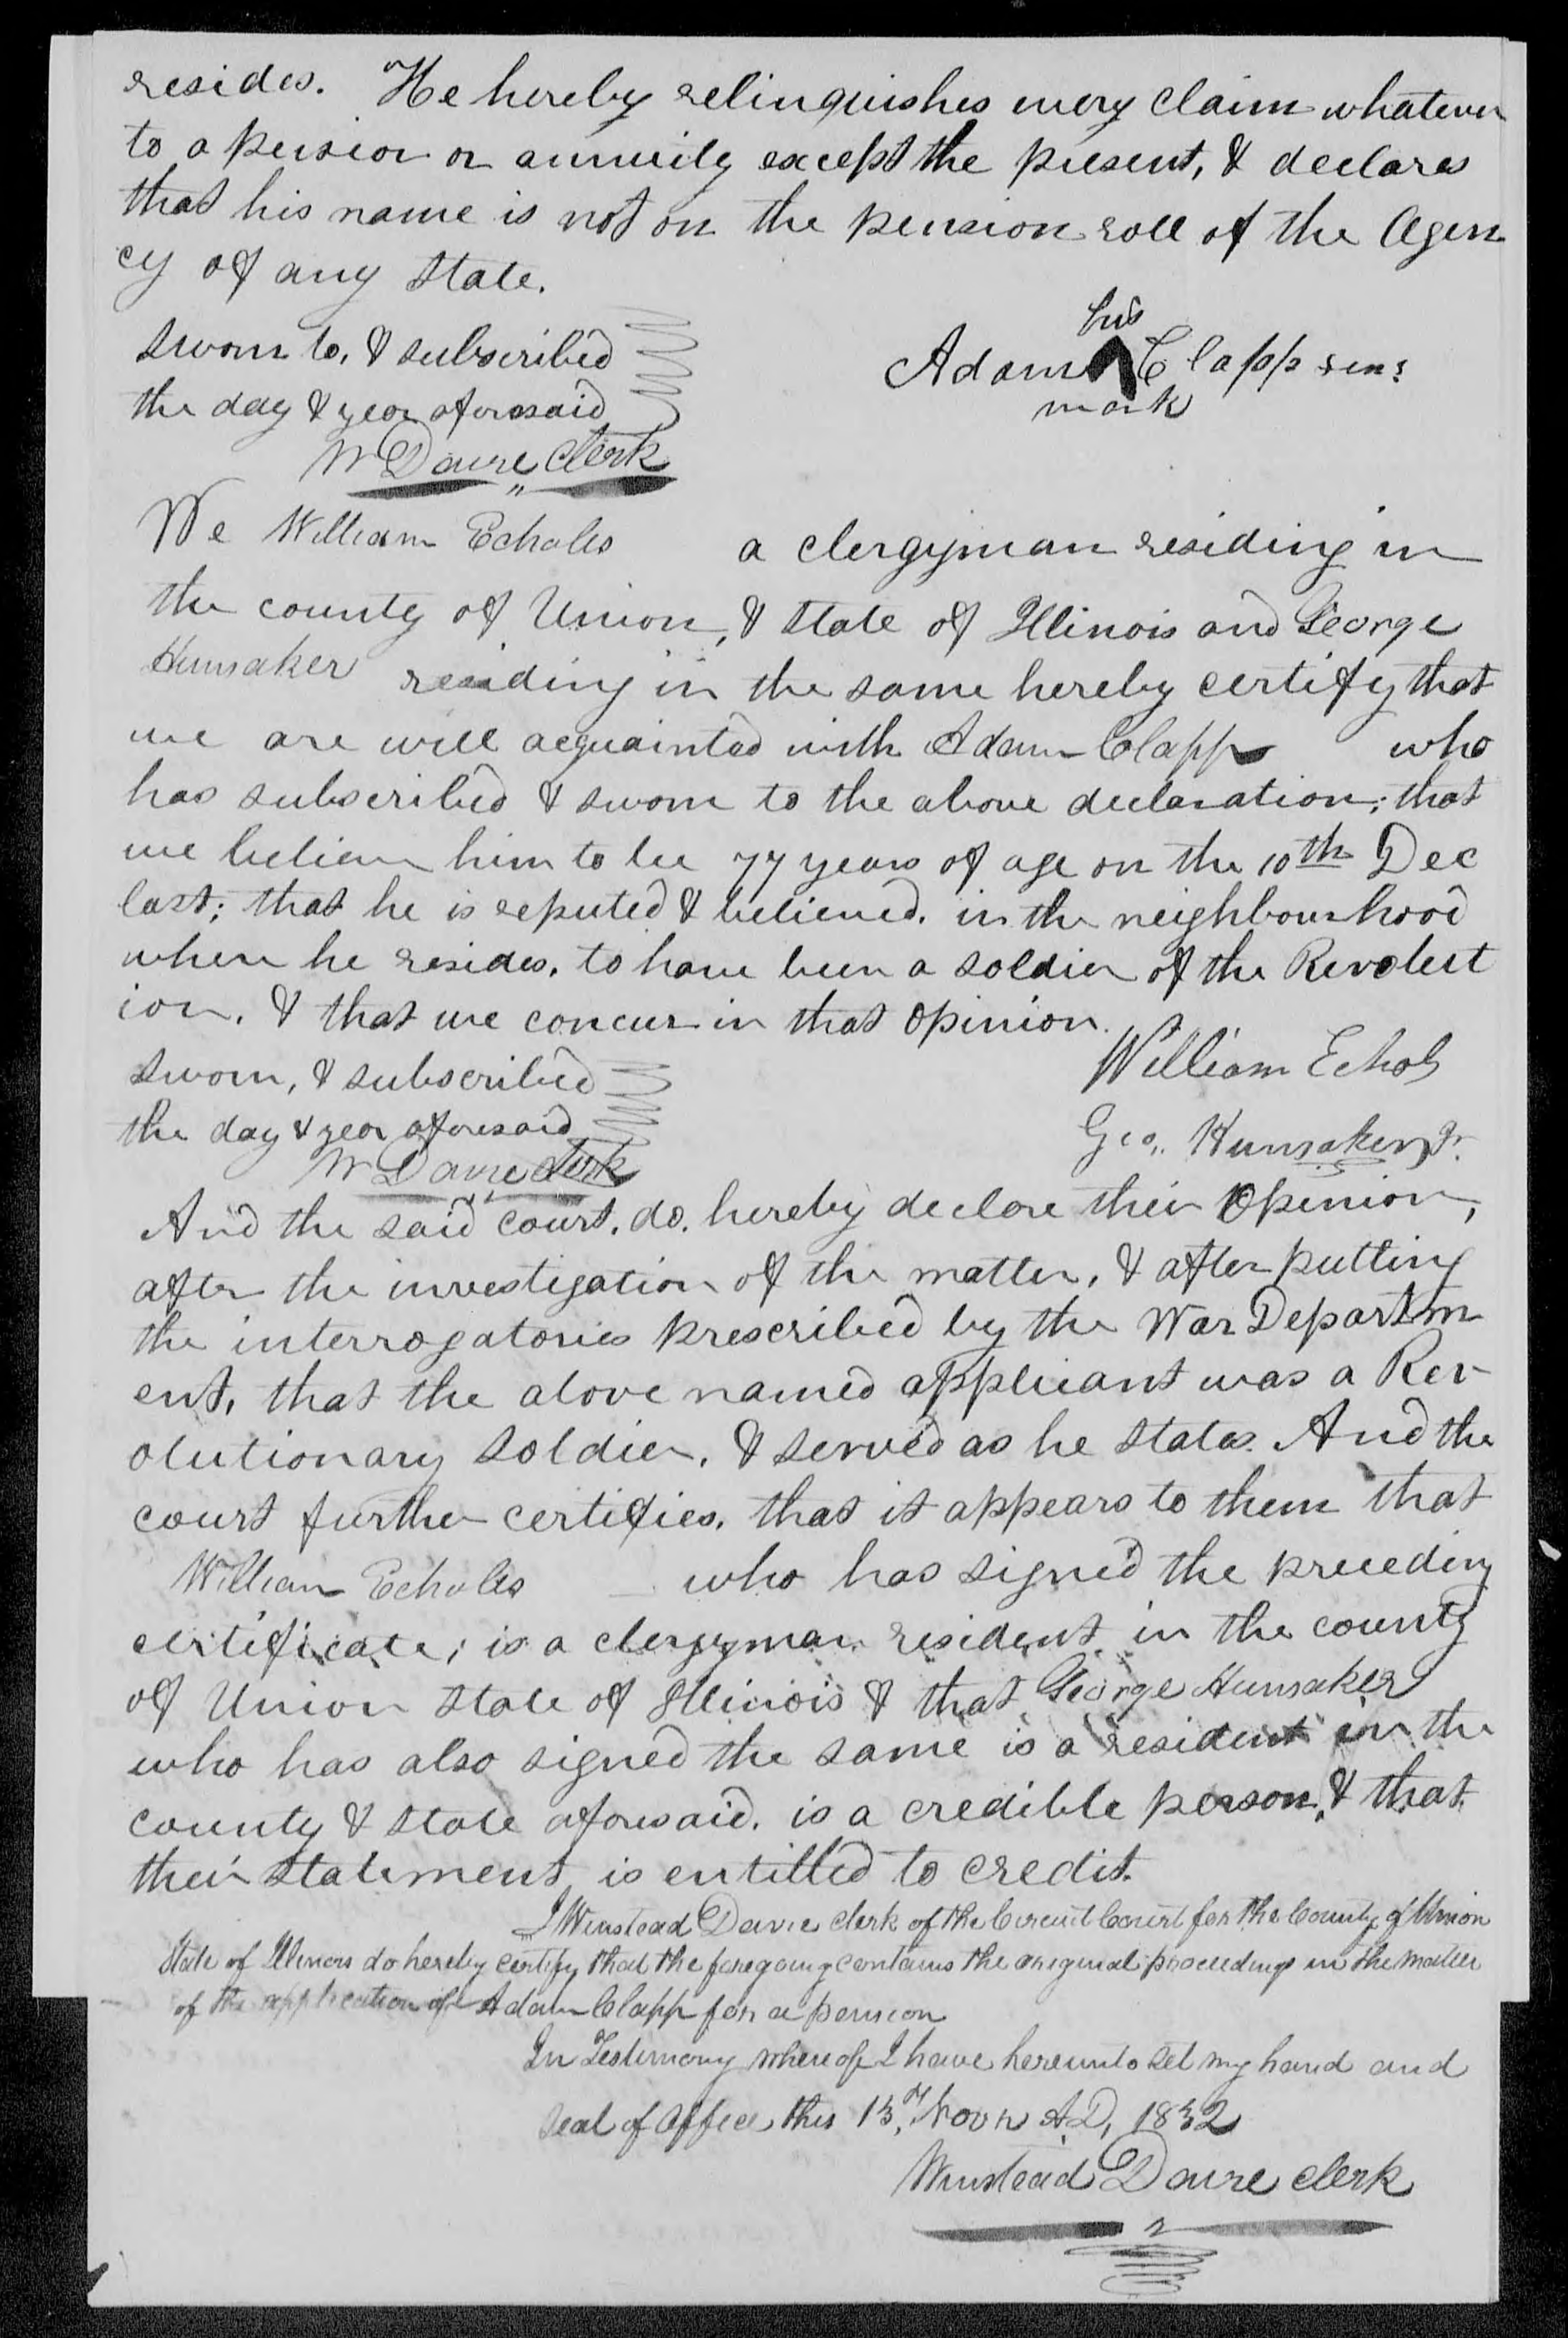resides. He hereby relinquishes every claim whatever
to a pension or annuity except the present, & declares
that his name is not on the pension roll of the Agen
cy of any State.
Adam his x mark Clapp senr
Sworn to, & subscribed  )
the day & year aforesaid,)
W Davie clerk
We William Echoles a clergyman residing in
the county of Union, & State of Illinois and George
Hunsaker residing in the same hereby certify that
we are well acquainted with Adam Clapp
who
has subscribed & sworn to the above declaration; that
we believe him to be 77 years of age on the 10th Dec
last; that he is reputed & believed, in the neighbourhood [neighborhood]
where he resides, to have been a soldier of the Revolut
ion & that we concur in that opinion.
William Echols
Geo. Hunsaker Jr.
Sworn & subscribed        )
the day & year aforesaid )
W. Davies clerk
And the said court, do hereby declare their opinion,
after the investigation of the matter, & after putting
the interrogatories prescribed by the War Departm
ent, that the above named applicant was a Rev
olutionary soldier, & served as he states. And the
court further certifies, that it appears to them that
William Echoles who has signed the preceding
certificate, is a clergyman resident in the county
of Union State of Illinois & that George Hunsaker
who has also signed the same is a resident in the
county & state aforesaid, is a credible person, & that
their statement is entitled to credit
I Winstead Davies Clerk of the Circuit Court for the County of Union
State of Illinois do hereby certify that the foregoing contains the original proceedings in the matter
of the application of Adam Clapp for a pension
In Testimony whereof I have hereunto set my hand and
Seal of Office, this 13th, Novr A.D. 1832
Winstead Davie clerk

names: William Echols, W Davie, William Echoles, W Doure, Adam Clapp, George Hunsaker, Geo Hunsaker, Adam Clapp, Winstead Davie, Winstead Davie, William Echoles, Adam Clapp, George Hunsaker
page: 6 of 23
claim: survivor's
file: S. 30,937, Adam Clapp, N.C.